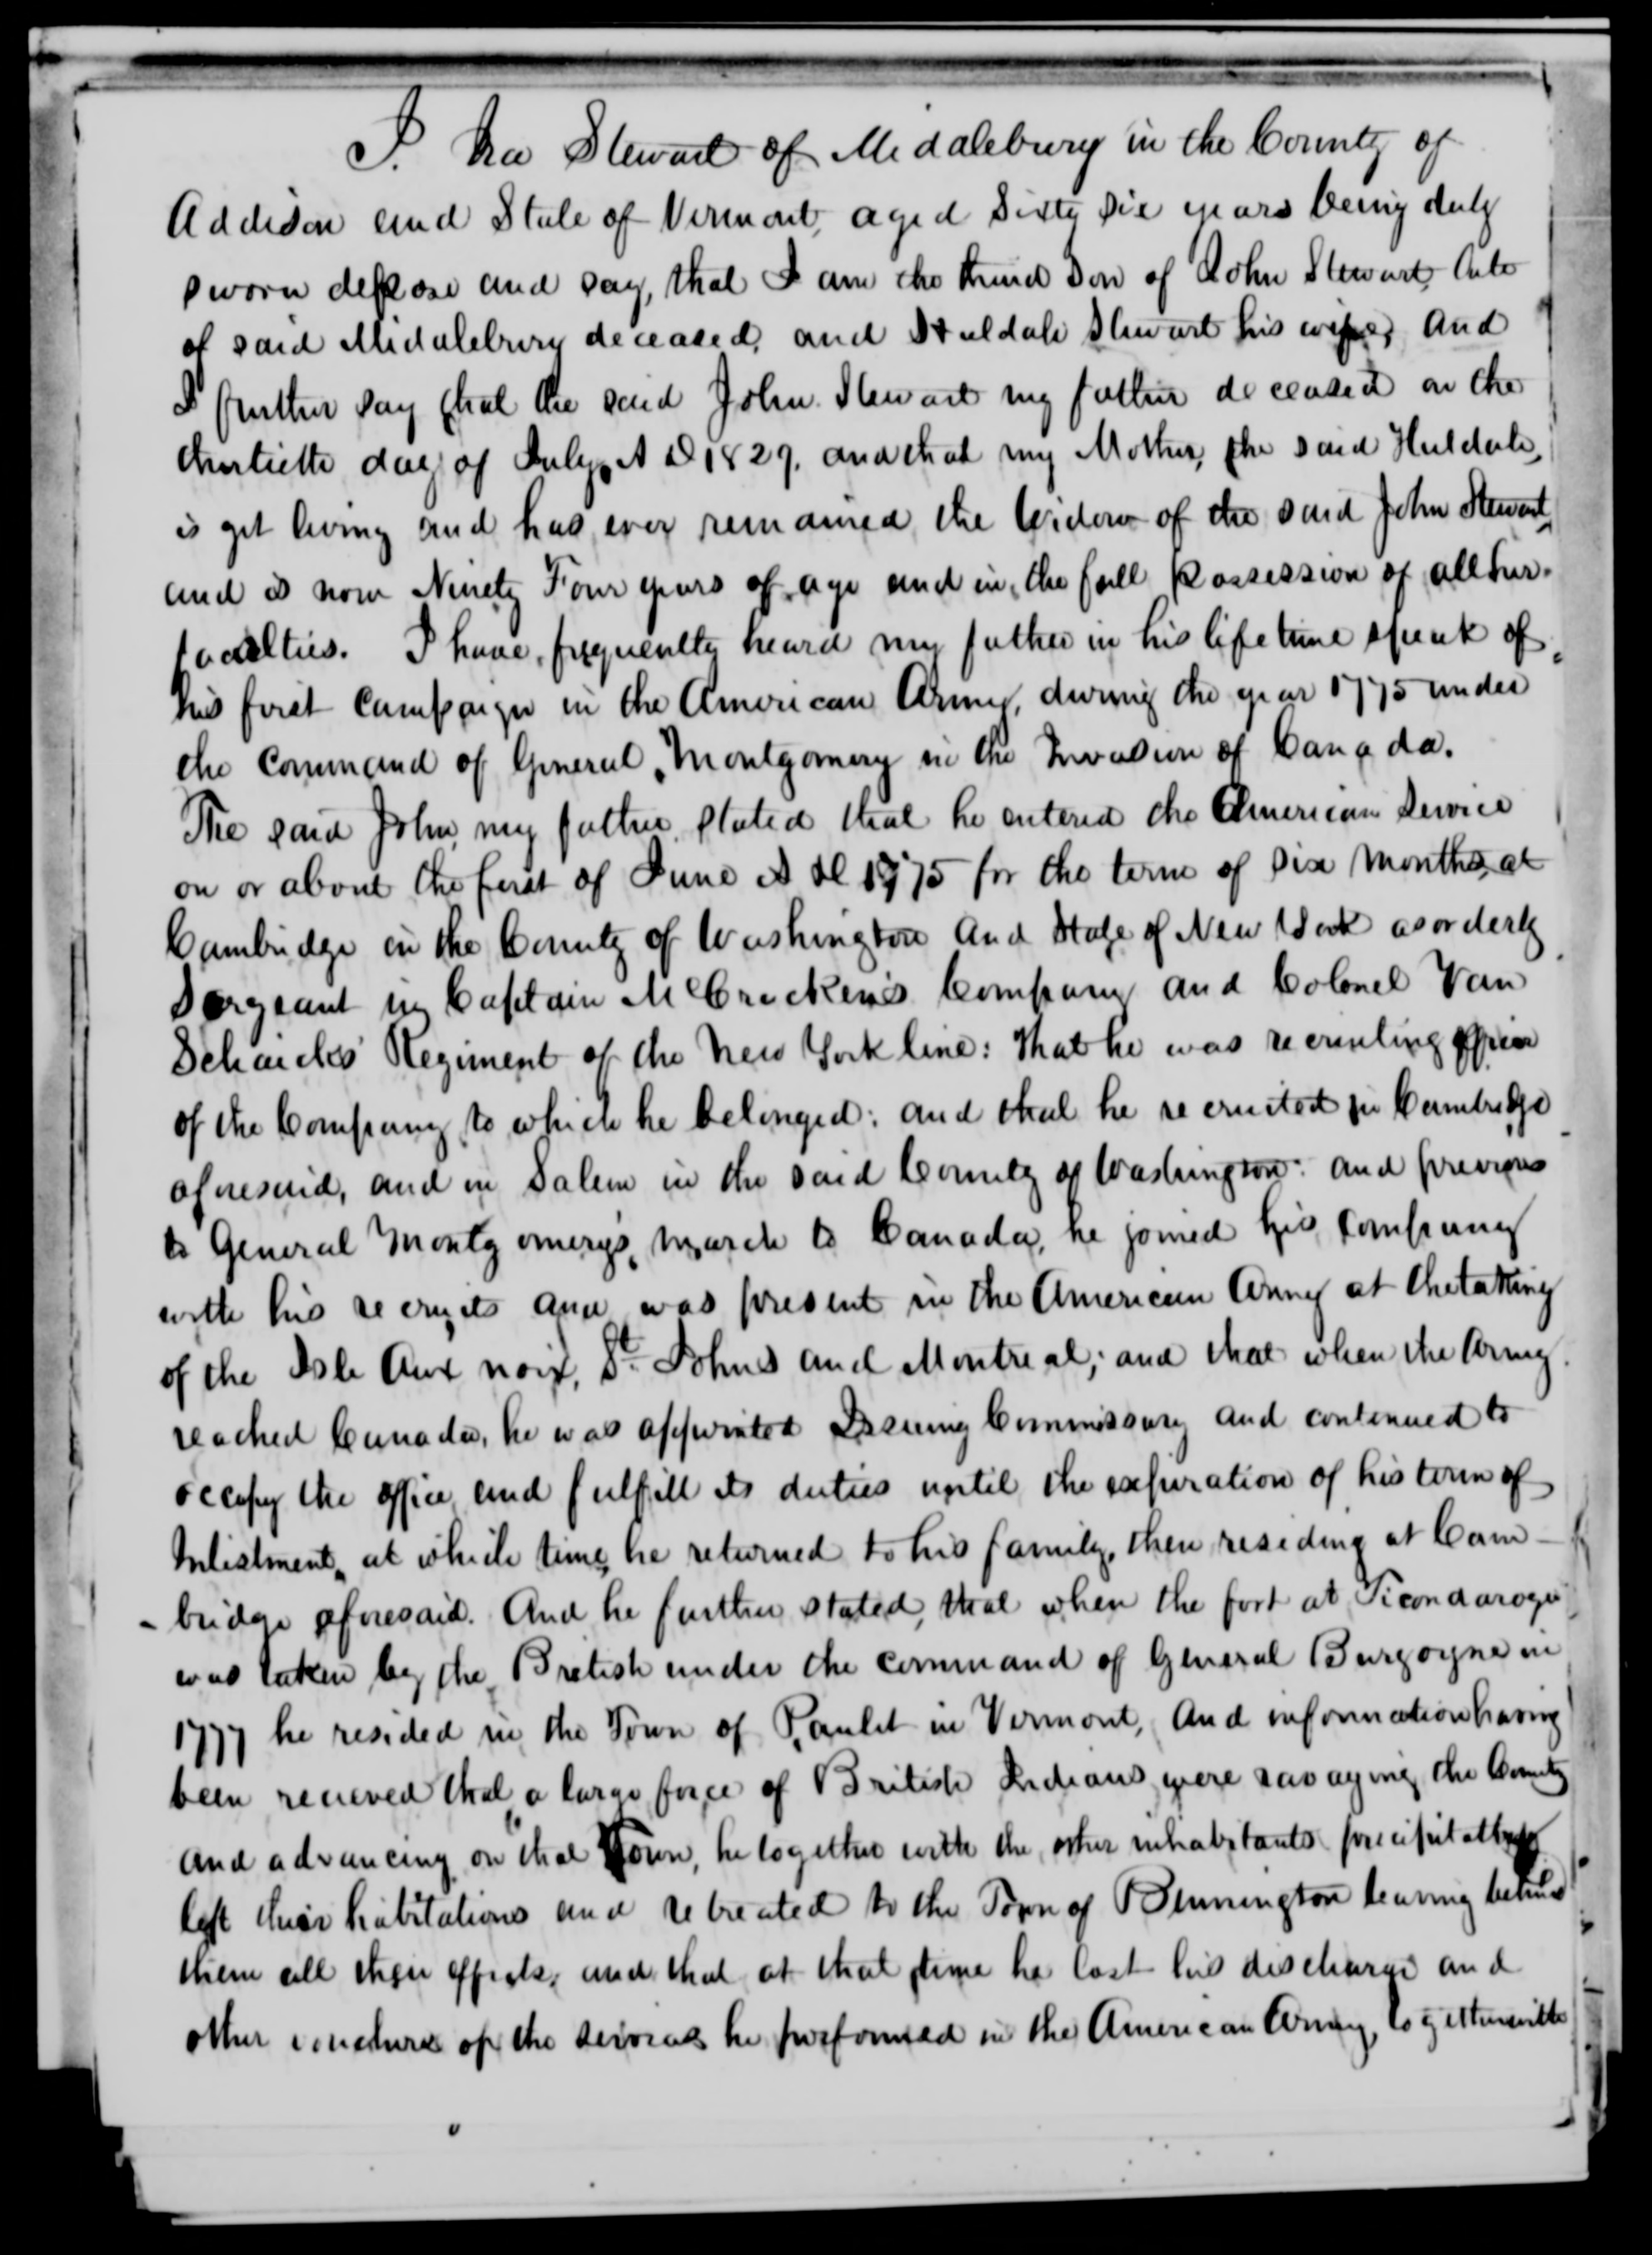I Ira Stewart of Middlebury in the County of
Addison and State of Vermont, aged sixty six years being duly
sworn depose and say, that I am the third Son of John Stewart to
of said Middlebury deceased and Huldah Stewart his wife, and
I further say that the said John Stewart my father deceased on the
thirtieth day of July A D 1829 and that my mother, the said Huldah,
is yet living and has ever remained the widow of the said John Stewart
and is now ninety four years of age and in the full possession of all her
faculties. I have frequently heard my father in his life time spent of
his first campaign in the American Army, during the year 1775 under the
command of General Montgomery in the Invasion of Canada
The said John my father stated that he entered the American Service
on or about the first of June AD 1775 for the term of six months, at
Cambridge in the County of Washington and State of New York as orderly
Sergeant in Captain McCrickens Company and Colonel Van
Schaicks Regiment of the New York line: That he was reciting
of the Company to which he belonged, and that he recruited in Cambridge
aforesaid, and in Salem in the said County of Washington and previous
General Montgomery, Marched to Canada, he joined his company
with his receipts and was present in the American Army at the taking
of the Isle AuxNoix, St. Johns and Montreal, and that when the army
reached Canada, he was appointed [illegible] Commissary and continued to
occupy the office and fulfill its duties until the expiration of his term of
enlistment, at which time he returned to his family, then residing at Cambridge
aforesaid. And he further stated, that when the fort at Ticonderoga
was taken by the British under the command of General Burgoyne in
1777 he resided in the Town of Paulet in Vermont, and information having been
recieved that a large force of British Indians were ravaging the County
and advancing on that town, he together with the other inhabitants [illegible]
left their habitations and retreated to the Town of Bennington  leaving behind
them all their effects, and that at that time he lost his discharge and
other vouchers of the service he performed in the American Army together with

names: John Stewart; John Stewart; [BLANK] Montgomery; John Stewart; Ira Stewart; Huldah Stewart; Huldah [BLANK]; [BLANK] Burgoyne; John [BLANK]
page: 8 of 26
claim: rejected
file: R. 10,154, for John Stewart, New Hampshire